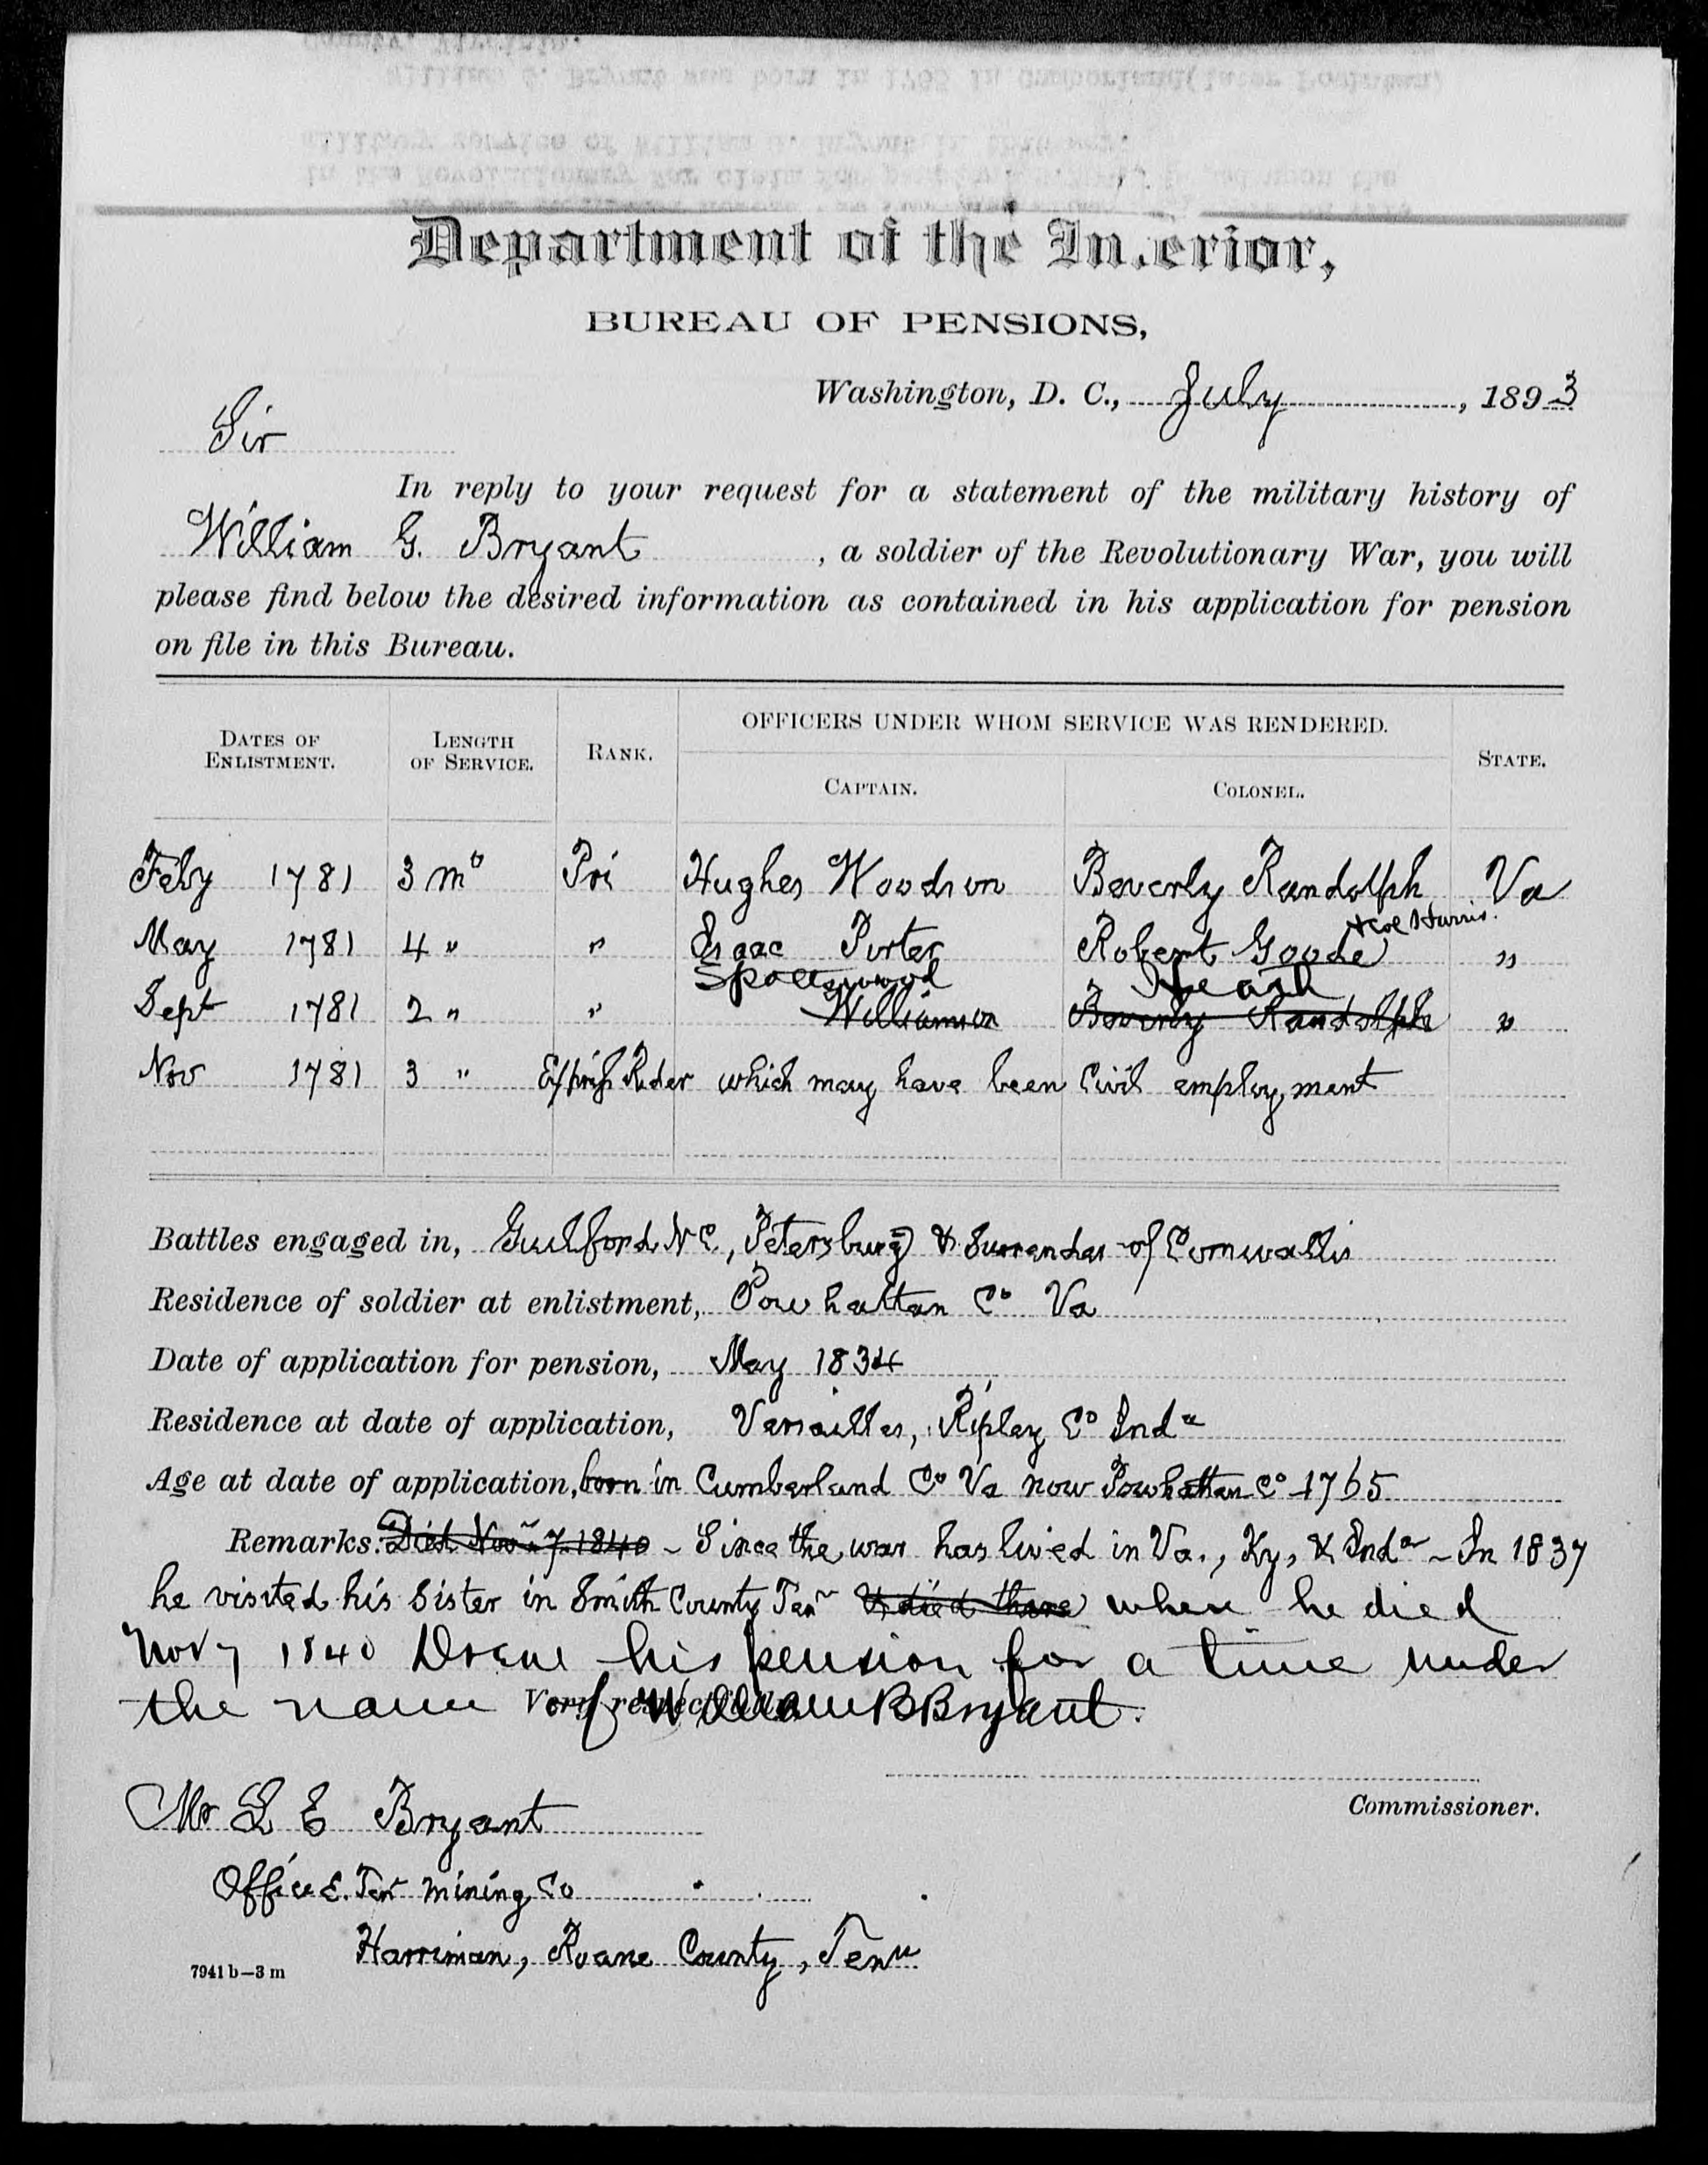Department of the Interior
Bureau of Pensions
Washington, D.C., July 1893
Sir
In reply to your request for a state of the military history of William G. Bryant, a soldier of the Revolutionary War, you will please find below the desired information as contained in his application for pension on file in this Bureau.

Dates of               Length of       Rank
 Enlistment        Service
Feby 1781             3 m               Pvi             
May 1781             4 m                Pvi
Sept 1781             2 m                Pvi
Nov 1781              3 m               [illegible] Rider which may have                  been civil employment

Officers Under Whom Service was Rendered
Captain
Hughes Woodson
Isaac Porter
Spottswood

Colonel
Beverly Randolph  Va
Robert Goode & Col Harris  Va
Heath

Battles engaged in, Guilford, NC, Petersburg & surrender of
Cornwallis
Residence of soldier at enlistment, Powhattan Co Va
Date of application for pension, May 1834
Residence at date of application, Versailles, Ripley Co Ind
Age at date of application, born in Cumberland Co, Va now Powhattan Co 1765

Remarks, since the war has lived in Va, Ky and Ind. In 1837 he visited his sister in Smith County Tenn where he died Nov 7, 1840. [illegible] his pension for a time under the name of William Bryant.

Mr. L. E Bryant
Office Ten Mining Co
Harriman, Roane County, Tenn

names: Robert Goode, Isaac Porter, Harris, Hughes Woodson, Williamson, Baverly Randolph, William G Bryant, Beverly Randolph, L E Bryant, Heath, Spottswood, William B Bryant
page: 31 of 31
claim: survivor's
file: S. 3049, William G Bryant, Va.